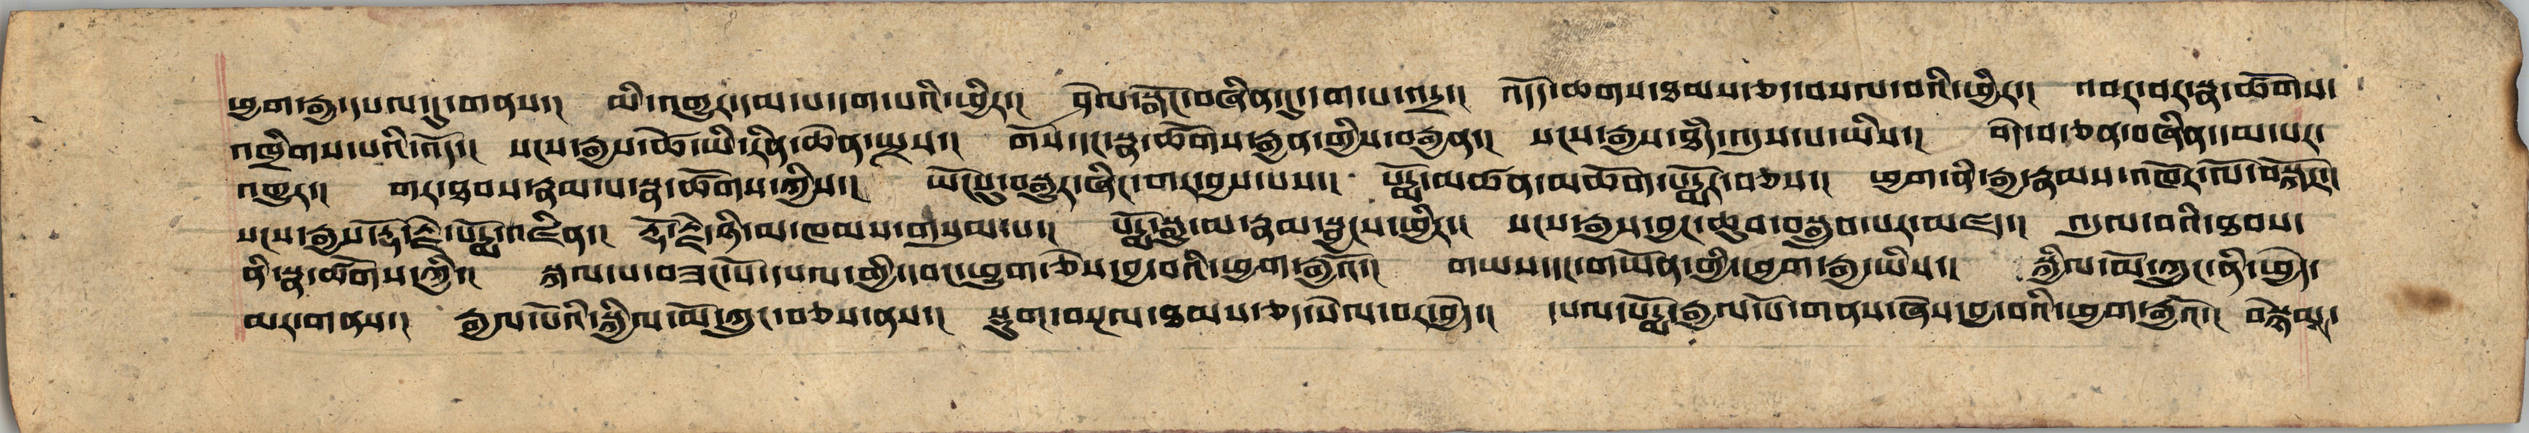ཕྱག་རྒྱ་དཔལ་དུ་གནས་། མི་འགྱུར་དམ་པ་དག་པའི་ཕྱིར་། ཤེལ་སྒོང་བཞིན་དུ་དག་པ་འདྲ་། འདོད་ཆགས་ཐམས་ཅད་བསལ་བའི་ཕྱིར་། འབར་བར་སྣ་ཚོགས་
འཁྲིགས་པའི་འོད་། སངས་རྒྱས་ཚེ་ཡི་རིན་ཆེན་སྤྲས་། གོས་དང་སྣ་ཚོགས་རྒྱན་གྱིས་བརྒྱན་། སངས་རྒྱས་ཐདཾ་འདུས་པ་ཡིས་། བདེ་བ་ཅན་བཞིན་དམ་པར་
འགྱུར་། གར་ཐབས་རྣམ་པ་སྣ་ཚོགས་ཀྱིས་། ཡོངསུ་བསྒྱུར་ཞིང་གར་བྱས་པས་། པདྨོ་མཚན་མཆོག་པདྨོར་བཅས་། ཕྱག་ནི་རྒྱ་རྣམས་འཁོར་ལོ་བསྐོར་།
སངས་རྒྱས་རྡོ་རྗེ་པདྨོ་འཛིན་། རྡོ་རྗེ་ཉི་མ་ཁམས་གསུམ་པ་། པདྨོ་སྒྱུ་མ་རྣམ་སྦྱངས་ཕྱིར་། སངས་རྒྱས་བྱང་ཆུབ་བསྒྲུབ་པར་མཛད་། འདུལ་བའི་ཐབས་
ནི་སྣ་ཚོགས་ཀྱི་། སྐལ་པ་བཟང་པོ་དཔལ་གྱི་དབང་ཕྱུག་ཅེས་བྱ་བའི་ཕྱག་རྒྱའོ་། གཡས་དང་གཡོན་གྱི་ཕྱག་རྒྱ་ཡིས་། སྐྱིལ་མོ་ཀྲུང་ནི་ཕྱེད་
མར་གནས་། རྒྱལ་པོའི་སྐྱིལ་མོ་ཀྲུང་བཅས་ནས་། སྡུག་བསྔལ་ཐམས་ཅད་སེལ་བར་བྱེད་། དཔལ་པདྨོ་རྒྱལ་པོ་གནས་ཞེས་བྱ་བའི་ཕྱག་རྒྱའོ་། བསྙེམས་